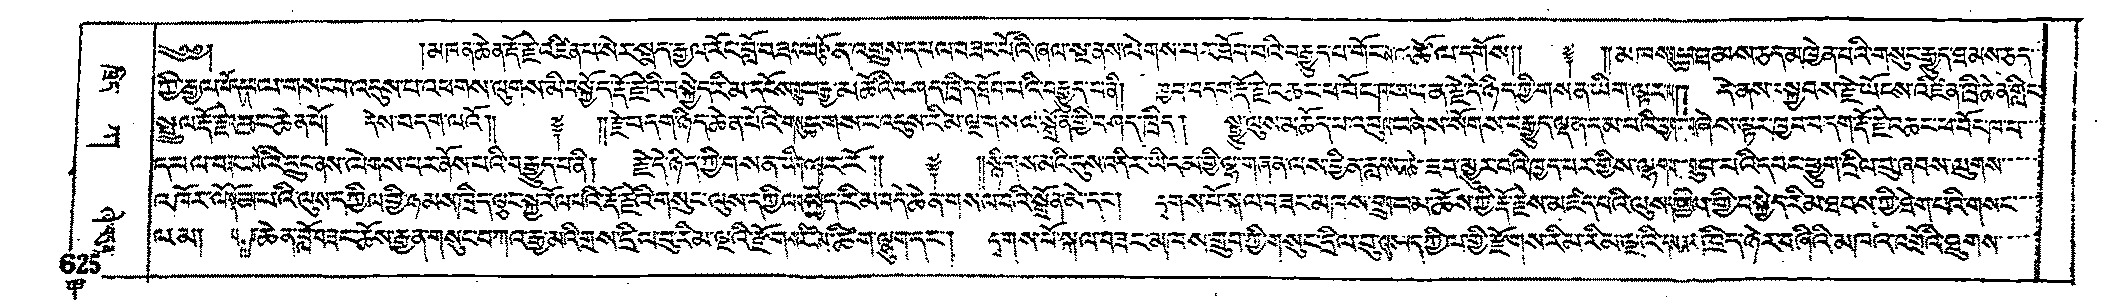༄༅། །མཁན་ཆེན་རྡོ་རྗེ་འཛིན་པ་སེར་སྨད་རྒྱལ་རོང་བློ་བཟང་བརྩོན་འགྲུས་དཔལ་བཟང་པོའི་ཞལ་སྔ་ནས་ལེགས་པར་ཐོབ་པའི་བརྒྱུད་པ་གོང་མ་འཚོལ་དགོས།། འ་།།མཁས་གྲུབ་ཐམས་ཅད་མཁྱེན་པའི་གསུང་རྒྱུད་ཐམས་ཅད་
ཀྱི་རྒྱལ་པོ་དཔལ་གསང་བ་འདུས་པ་འཕགས་ལུགས་མི་བསྐྱོད་རྡོ་རྗེའི་བསྐྱེད་རིམ་དངོས་གྲུབ་རྒྱ་མཚོའི་བཤད་ཁྲིད་ཐོབ་པའི་བརྒྱུད་པ་ནི། ཁྱབ་བདག་རྡོ་རྗེ་འཆང་ཕ་བོང་ཁ་པ་ཡན་རྗེ་དེ་ཉིད་ཀྱི་གསན་ཡིག་ལྟར་ལ། དེ་ནས ༧སྐྱབས་རྗེ་ཡོངས་འཛིན་ཁྲི་ཆེན་གླིང་
སྤྲུལ་རྡོ་རྗེ་འཆང་ཆེན་པོ། དེས་བདག་ལའོ།། འ་།།རྗེ་བདག་ཉིད་ཆེན་པོའི་གསུང་གསང་འདུས་རིམ་ལྔ་གསལ་སྒྲོན་གྱི་བཤད་ཁྲིད། སྒྱུ་ལུས་མཆོད་པ་འབུལ་བཞེས་སོགས་བརྒྱུད་ལྡན་དམ་པའི་ཕྱག་བཞེས་ལྟར་ཁྱབ་བདག་རྡོ་རྗེ་འཆང་ཕ་བོང་ཁ་པ་
དཔལ་བཟང་པོའི་དྲུང་ནས་ལེགས་པར་ནོས་པའི་བརྒྱུད་པ་ནི། རྗེ་དེ་ཉིད་ཀྱི་གསན་ཡིག་ལྟར་རོ།། འ་།།སྙིགས་མའི་དུས་འདིར་ཡི་དམ་གྱི་ལྷ་གཞན་ལས་བྱིན་རླབས་ཆེ་ཟབ་མྱུར་བའི་ཁྱད་པར་གྱིས་ལྷག་པ་གྲུབ་པའི་དབང་ཕྱུག་དྲིལ་བུ་ཞབས་ལུགས་
འཁོར་ལོ་སྡོམ་པའི་ལུས་དཀྱིལ་གྱི་ཉམས་ཁྲིད་ལྕང་སྐྱ་རོལ་པའི་རྡོ་རྗེའི་གསུང་ལུས་དཀྱིལ་བསྐྱེད་རིམ་བདེ་ཆེན་གསལ་བའི་སྒྲོན་མེ་དང་། དྭགས་པོ་སྐལ་བཟང་མཁས་གྲུབ་བམ་ཆོས་ཀྱི་རྡོ་རྗེས་མཛད་པའི་ལུས་དཀྱིལ་གྱི་བསྐྱེད་རིམ་ཐབས་ཀྱི་ཐེག་པའི་གསང་
ལམ། པཎ་ཆེན་བློ་བཟང་ཆོས་རྒྱན་གསུང་བཀའ་རྒྱ་མའི་གྲས་དྲིལ་བུ་རིམ་ལྔའི་རྫོགས་རིམ་ཚིག་ལྷུག་དང་། དྭགས་པོ་སྐལ་བཟང་མཁས་གྲུབ་གྱི་གསུང་དྲིལ་བུ་ལུས་དཀྱིལ་གྱི་རྫོགས་རིམ་རིམ་ལྔའི་དམར་ཁྲིད་ཉེར་བཞིའི་མཁའ་འགྲོའི་ཐུགས་